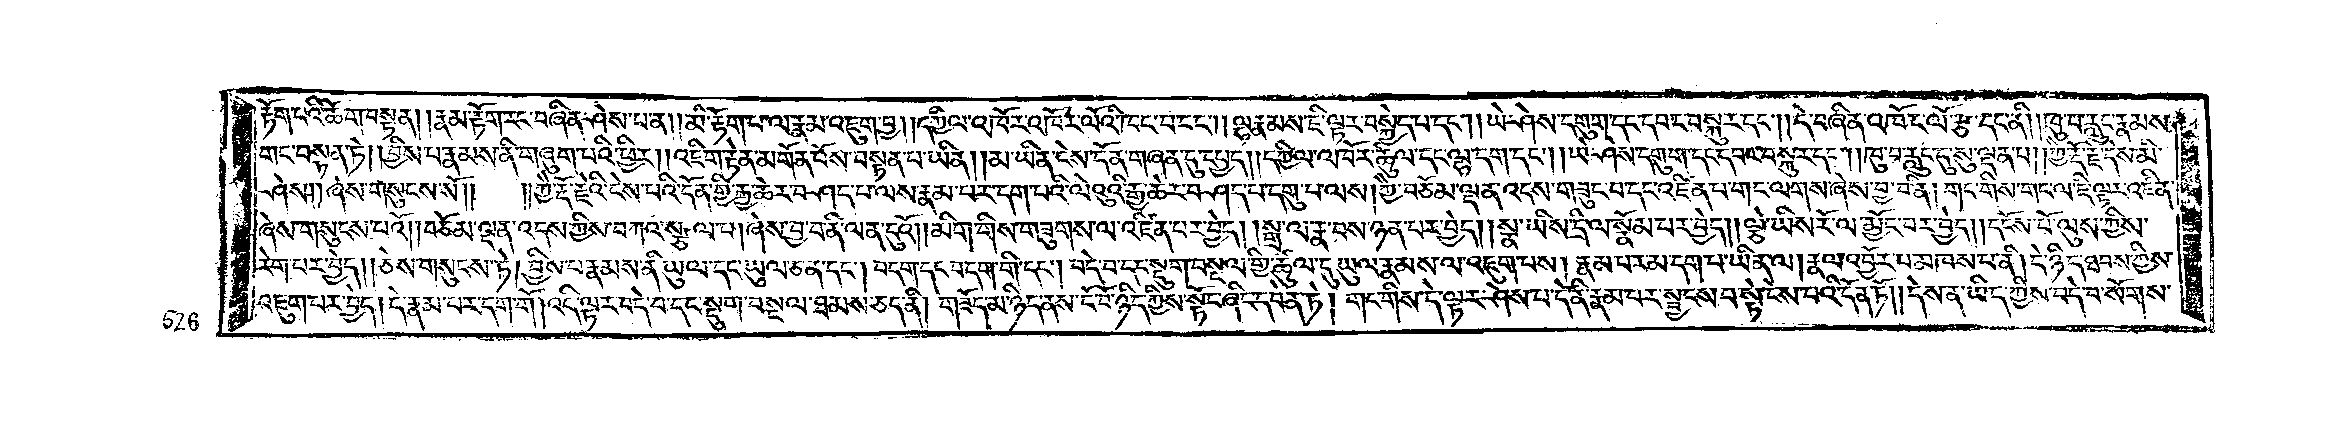རྟོག་པའི་ཆོ་ག་བསྟན། །རྣམ་རྟོག་རང་བཞིན་ཤེས་པ་ན། །མི་རྟོག་པ་ལ་རྣམ་འཇུག་བྱ། །དཀྱིལ་འཁོར་འཁོར་ལོའི་ཁང་པ་དང་། །ལྷ་རྣམས་ཇི་ལྟར་བསྐྱེད་པ་དང་། །ཡེ་ཤེས་དགུག་དང་དབང་བསྐུར་དང་། །དེ་བཞིན་འཁོར་ལོ་རྩ་དང་ནི། །ཁུ་བ་རླུང་རྣམས་
གང་བསྟན་ཏེ། །བྱིས་པ་རྣམས་ནི་གཞུག་པའི་ཕྱིར། །འཇིག་རྟེན་མགོན་པོས་བསྟན་པ་ཡིན། །མ་ཡིན་ངེས་དོན་གཞན་དུ་དཔྱད། །དཀྱིལ་འཁོར་ཚུལ་དང་ལྷ་དག་དང་། །ཡེ་ཤེས་དགུག་དང་དབང་བསྐུར་དང་། །ཁུ་བ་རླུང་དུ་སུ་ལྡན་པ། །ཀྱཻ་རྡོ་རྗེ་དེས་མི་
ཤེས། །ཞེས་གསུངས་སོ།། །།ཀྱཻ་རྡོ་རྗེའི་ངེས་པའི་དོན་གྱི་རྒྱ་ཆེར་བཤད་པ་ལས་རྣམ་པར་དག་པའི་ལེའུའི་རྒྱ་ཆེར་བཤད་པ་དགུ་པ་ལས། ཀྱཻ་བཅོམ་ལྡན་འདས་གཟུང་བ་དང་འཛིན་པ་གང་ལགས་ཞེས་བྱ་བ་ནི། གང་གིས་གང་ལ་ཇི་ལྟར་འཛིན་
ཞེས་གསུངས་པའོ། །བཅོམ་ལྡན་འདས་ཀྱིས་བཀའ་སྩལ་པ། ཞེས་བྱ་བ་ནི་ལན་དུའོ། །མིག་གིས་གཟུགས་ལ་འཛིན་པར་བྱེད། །སྒྲ་ལ་རྣ་བས་ཉན་པར་བྱེད། །སྣ་ཡིས་དྲི་ལ་སྣོམ་པར་བྱེད། །ལྕེ་ཡིས་རོ་ལ་མྱོང་བར་བྱེད། །དངོས་པོ་ལུས་ཀྱིས་
རེག་པར་བྱེད། །ཅེས་གསུངས་ཏེ། བྱིས་པ་རྣམས་ནི་ཡུལ་དང་ཡུལ་ཅན་དང་། བདག་དང་བདག་གི་དང་། བདེ་བ་དང་སྡུག་བསྔལ་གྱི་ཚུལ་དུ་ཡུལ་རྣམས་ལ་འཇུག་པས། རྣམ་པར་མ་དག་པ་ཡིན་ལ། རྣལ་འབྱོར་པ་མཁས་པ་ནི། དེ་ཉིད་ཐབས་ཀྱིས་
འཇུག་པར་བྱེད། དེ་རྣམ་པར་དག་གོ །འདི་ལྟར་བདེ་བ་དང་སྡུག་བསྔལ་ཐམས་ཅད་ནི། གཟོད་མ་ཉིད་ནས་ངོ་བོ་ཉིད་ཀྱིས་སྟོང་ཞིང་དབེན་ཏེ། གང་གིས་དེ་ལྟར་ཤེས་པ་དེ་ནི་རྣམ་པར་སྦྱངས་པ་སྟེ་ངེས་པའི་དོན་ཏོ། །དེས་ན་ཡིད་ཀྱིས་བདེ་བ་སོགས་